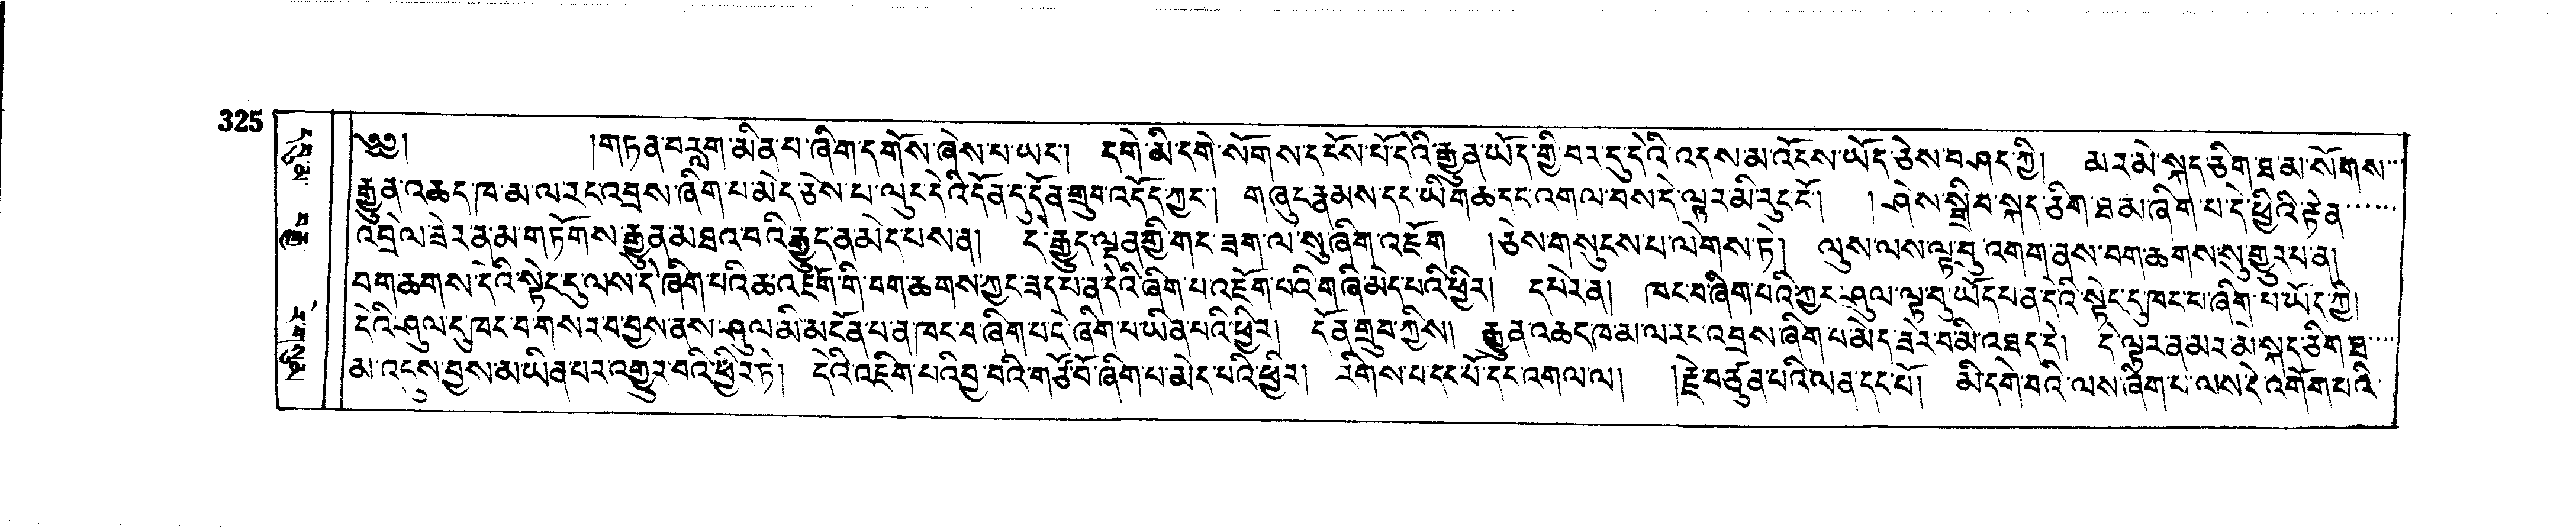༄༅། །གཏན་བརླག་མིན་པ་ཞིག་དགོས་ཞེས་པ་ཡང་། དགེ་མི་དགེ་སོགས་དངོས་པོ་དེའི་རྒྱུན་ཡོད་གྱི་བར་དུ་དེའི་འདས་མ་འོངས་ཡོད་ཅེས་བཤད་ཀྱི། མར་མེ་སྐད་ཅིག་ཐ་མ་སོགས་
རྒྱུན་འཆད་ཁ་མ་ལ་རང་འབྲས་ཞིག་པ་མེད་ཅེས་པ་ལུང་དེའི་དོན་དུ་དོན་གྲུབ་འདོད་ཀྱང་། གཞུང་རྣམས་དང་ཡིག་ཆ་དང་འགལ་བས་དེ་ལྟར་མི་རུང་ངོ། །ཤེས་སྒྲིབ་སྐད་ཅིག་ཐ་མ་ཞིག་པ་དེ་ཕྱིའི་རྟེན་
འབྲེལ་ཟེར་ན་མ་གཏོགས་རྒྱུན་མཐའ་བའི་རྒྱུད་ན་མེད་པས་ན། དེ་རྒྱུད་ལྡན་གྱི་གང་ཟག་ལ་སུ་ཞིག་འཇོག །ཅེས་གསུངས་པ་ལེགས་ཏེ། ལུས་ལས་ལྟ་བུ་འགག་ནས་བག་ཆགས་སུ་གྱུར་པ་ན།
བག་ཆགས་དེའི་སྟེང་དུ་ལས་དེ་ཞིག་པའི་ཆ་འཇོག་གི་བག་ཆགས་ཀྱང་ཟད་པ་ན་དེའི་ཞིག་པ་འཇོག་པའི་གཞི་མེད་པའི་ཕྱིར། དཔེར་ན། ཁང་པ་ཞིག་པའི་ཀྱང་ཤུལ་ལྟ་བུ་ཡོད་པ་ན་དེའི་སྟེང་དུ་ཁང་པ་ཞིག་པ་ཡོད་ཀྱི།
དེའི་ཤུལ་དུ་ཁང་བ་གསར་བ་བྱས་ནས་ཤུལ་མི་མངོན་པ་ན་ཁང་བ་ཞིག་པ་དེ་ཞིག་པ་ཡིན་པའི་ཕྱིར། དོན་གྲུབ་ཀྱིས། རྒྱུན་འཆད་ཁ་མ་ལ་རང་འབྲས་ཞིག་པ་མེད་ཟེར་བ་མི་འཐད་དེ། དེ་ལྟར་ན་མར་མེ་སྐད་ཅིག་ཐ་
མ་འདུས་བྱས་མ་ཡིན་པར་འགྱུར་བའི་ཕྱིར་ཏེ། དེའི་འཇིག་པའི་བྱ་བའི་གཙོ་བོ་ཞིག་པ་མེད་པའི་ཕྱིར། རིགས་པ་དང་པོ་དང་འགལ་ལ། །རྗེ་བཙུན་པའི་ལན་དང་པོ། མི་དགེ་བའི་ལས་ཞིག་པ་ལས་དེ་འགོག་པའི་